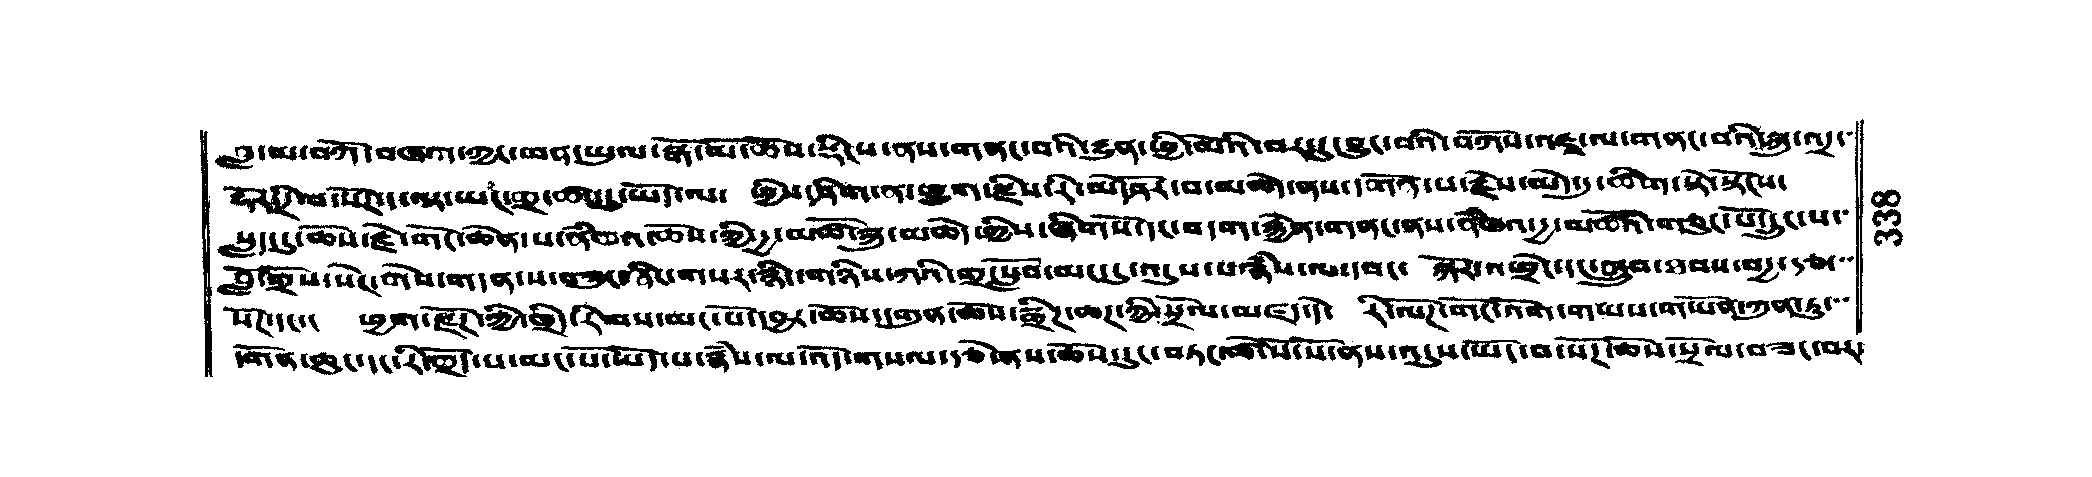བླ་མ་བསྐོ་བཞག་ཀྱང་ཕན་ཡུལ་སྒོ་མོ་ཆོས་སྡིངས་ནས་གནང་བའི་རྒྱུན་ཕྱི་མོའི་བར་དུ་བྱུང་བའི་བསྐོ་འཇའ་ལ་གནང་བའི་སྐུ་འདྲ་
རྡོར་དྲིལ་སོགས་ད་ལྟ་ཡང་གྲྭ་ཚང་དུ་ཡོད་ལ། ཕྱིས་ཤིག་ན་ཕྱུགས་རྫིས་རི་མེ་ཤོར་བ་མཆེད་ནས་དགོན་པ་རྗེས་མེད་དུ་ཚིག་སྟེ་སྟོངས། 
སླད་དུ་ཆོས་རྗེ་གོང་ཆེན་པ་ནམ་མཁའ་ཆོས་ཀྱི་རྒྱ་མཚོ་སྐུ་མཆེད་ཀྱིས་ཞིག གསོ་དང་བདག་རྐྱེན་གནང་ནས་ནམ་མཁའ་རྒྱ་མཚོའི་གཅུང་པོ་དྲུང་པ་
བློ་གྲོས་སེང་གེས་གདན་ས་བཟུང་ཞིང་གསར་རྙིང་གཉིས་ཀའི་གྲྭ་སློབ་མང་དུ་འདུས་པ་རྣམས་ལ་དབང་སྐོར་ཕྲེང་དང་སྒྲུབ་ཐབས་བརྒྱ་རྩ་
སོགས་དང་།ཕྱག་རྫོགས་ཀྱི་ཁྲིད་རིམས་མང་པོ་དབྱར་ཆོས་དགུན་ཆོས་སྒྲིགས་ཆགས་ཀྱི་སྲོལ་མཛད་དོ། རི་ལོགས་གོང་འོག་གཡས་གཡོན་ཀུན་ཏུ་
དགོན་ཆུང་དང་རི་ཁྲོད་པ་མང་པོ་ཡོད་པ་རྣམས་ལ་འོད་གསལ་རྩེ་ནས་ཆོས་དུང་བཏང་ཚེ་སོ་སོ་ནས་འདུས་ཡོང་བ་སོགས་ཆོས་སྲོལ་བཟང་བར་